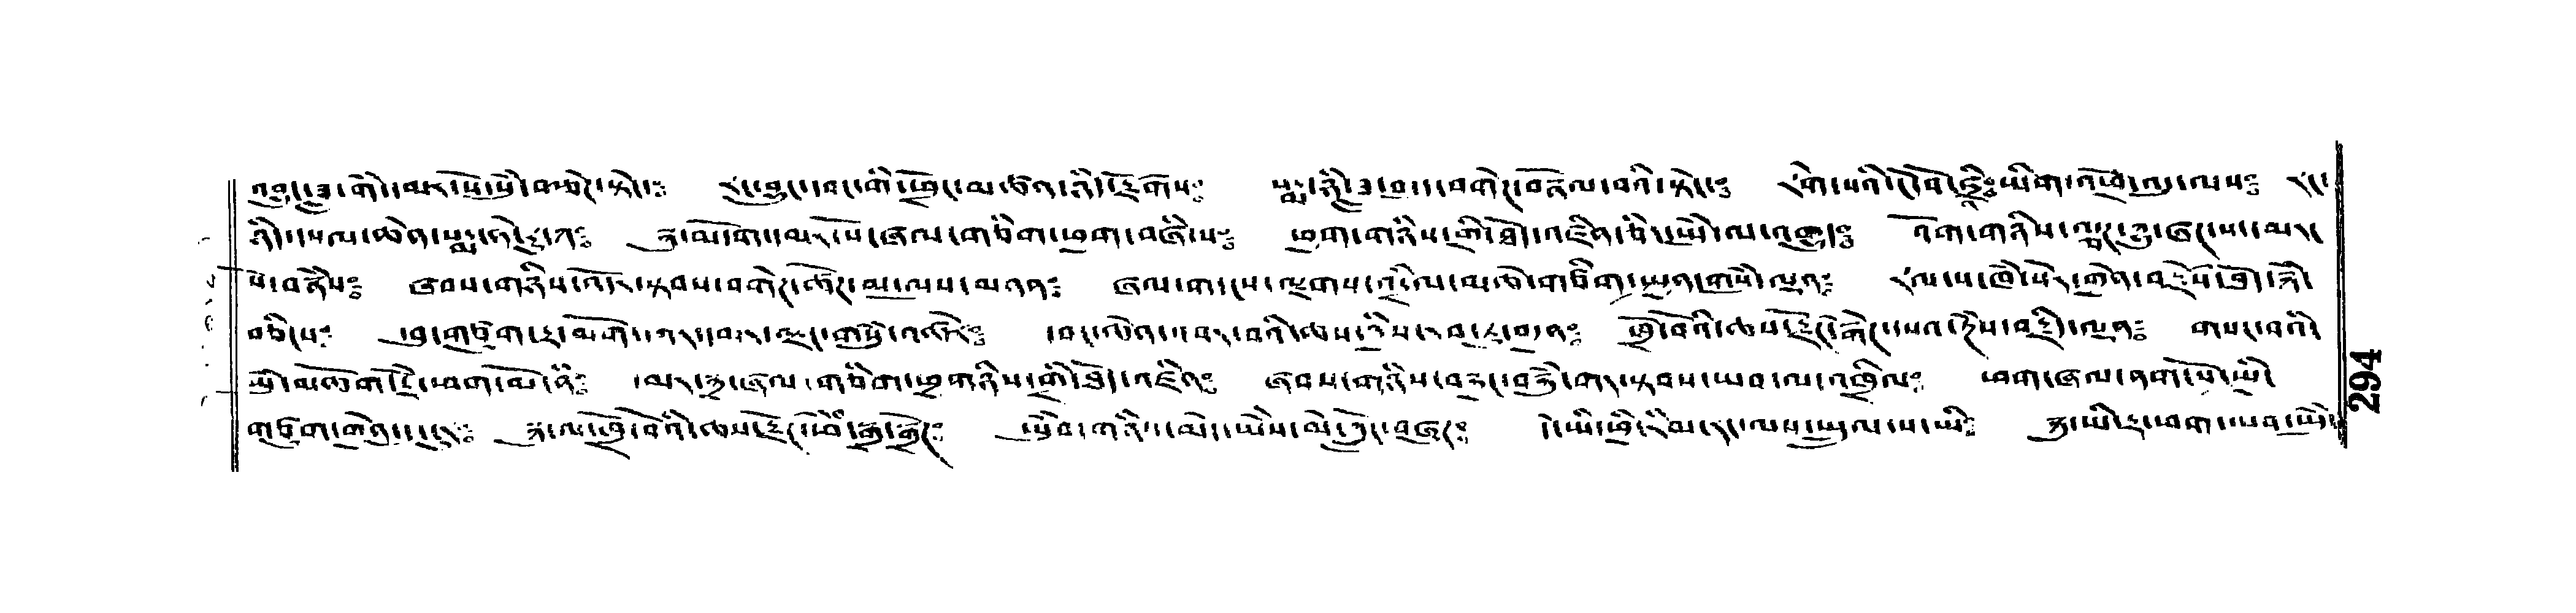འབྱུང་ཟླ་གམ་དམར་པོ་སུམ་བརྩེགས་སྟེང༔ རང་བྱུང་དབང་གིས་ཕོ་བྲང་མཚན་ཉིད་རྫོགས༔ པདྨ་ཉི་ཟླ་བདུད་བགེགས་བསྣོལ་བའི་སྟེང༔ རིག་པའི་ངོ་བོ་ཧྲཱིཿཡིག་འཕྲོ་འདུ་ལས༔རང་
ཉིད་དཔལ་ཆེན་པདྨ་ཧེ་རུ་ཀ༔ སྐུ་མདོག་དམར་པོ་ཞལ་གཅིག་ཕྱག་བཞི་པ༔ ཕྱག་གཉིས་གྲི་ཐོད་འཛིན་ཅིང་ཡུམ་ལ་འཁྱུད༔ འོག་གཉིས་ལྕགས་ཀྱུ་ཞགས་པ་དམར་
པོ་བསྣམས༔ ཞབས་གཉིས་འདོར་སྟབས་བགེགས་ཚོགས་མ་ལུས་མནན༔ ཞལ་གདངས་ལྗགས་འདྲེིལ་མཆེ་གཙིགས་སྤྱན་གསུམ་ལྡན༔ རལ་པ་ཁམས་སེར་གྱེན་བརྫེས་ཐོད་སྐམ་
བཅིངས༔ དབུ་གཙུག་རྟ་མགོ་དཀར་དམར་ལྗང་གསུམ་་འཚེར༔ དབང་ཆེན་འབར་བའི་ཆས་ཀྱིས་རབ་ཏུ་བརྒྱན༔ ཁྲོ་བོའི་ཆས་རྫོགས་སྒེག་དཔའ་རྔམས་བརྗིད་ལྡན༔ གསང་བའི་
ཡུམ་མཆོག་རྡོ་རྗེ་ཕག་མོ་ནི༔ དམར་སྐྱ་ཞལ་གཅིག་ཕྱག་གཉིས་གྲི་ཐོད་འཛིན༔ ཞབས་གཉིས་བརྐྱང་བསྐུམ་གར་སྟབས་ཡབ་ལ་འཁྲིལ༔ ཕག་ཞལ་ནག་པོ་སྤྱི་
གཙུག་གྱེན་དུ་ངུར༔ སྐུ་ལ་ཁྲོ་བོའི་ཆས་རྫོགས་ཕེཾ་སྒྲ་སྒྲོགས༔ ཡབ་ཡུམ་གཉིས་མེད་ཡེ་ཤེས་མེ་ཀློང་བཞུགས༔ དེ་ཡི་ཕྱི་རིམ་རང་ལས་སྤྲུལ་པ་ཡི༔ སྐུ་ཡི་རྟ་ཕག་ཡབ་ཡུམ་